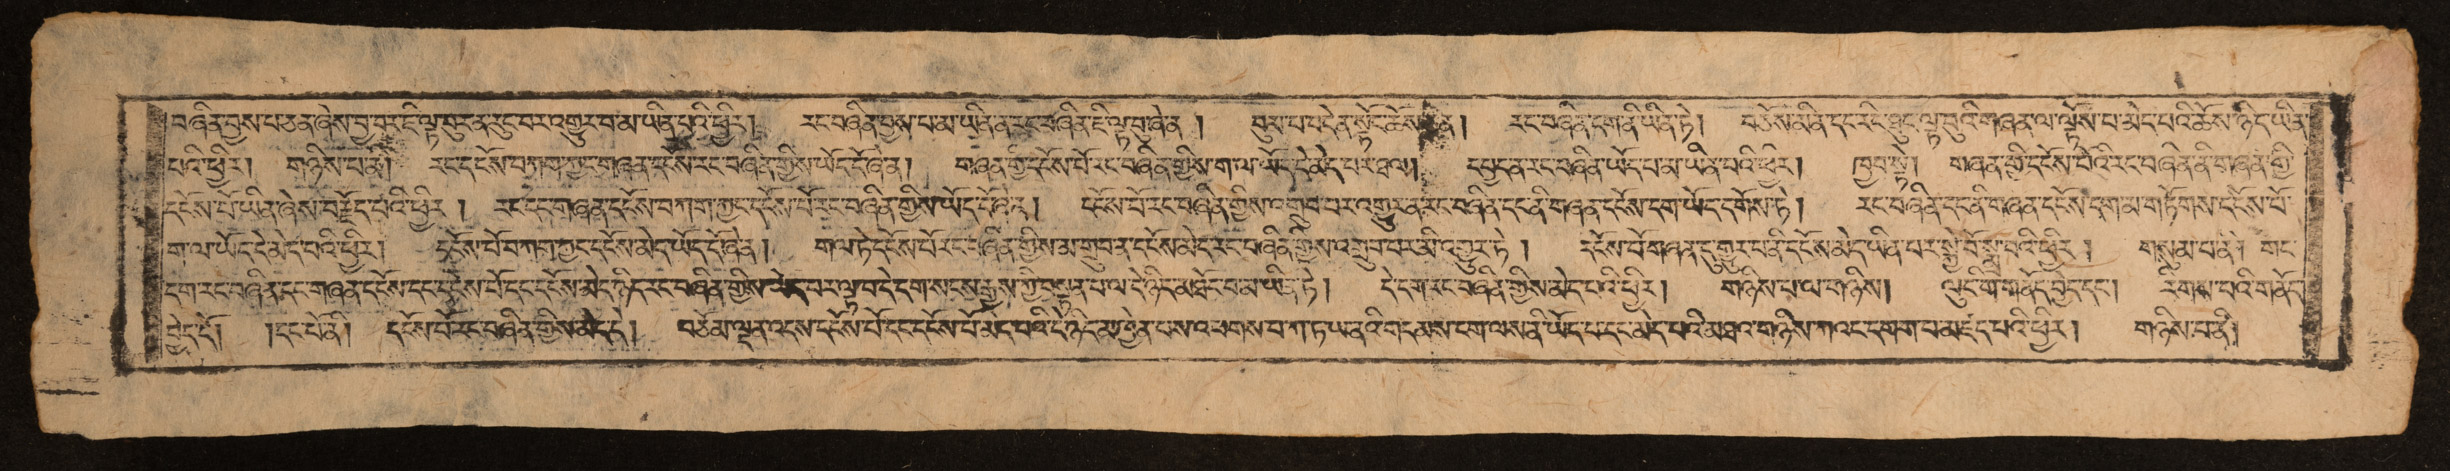བཞིན་བྱས་པ་ཅན་ཞེས་བྱ་བར་ཇི་ལྟ་བུར་ན་རུང་བར་འགྱུར་བ་མ་ཡིན་པའི་ཕྱིར། རང་བཞིན་བྱས་པ་མ་ཡིན་ན་རང་བཞིན་ཇི་ལྟ་བུ་ཞེ་ན། བུམ་པ་བདེན་སྟོང་ཆོས་ཅན། རང་བཞིན་དག་ནི་ཡིན་ཏེ། བཅོས་མིན་དང་རིང་ཐུང་ལྟ་བུའི་གཞན་ལ་ལྟོས་པ་མེད་པའི་ཆོས་ཉིད་ཡིན་
པའི་ཕྱིར། གཉིས་པ་ནི། རང་དངོས་བཀག་ཀྱང་གཞན་དངོས་རང་བཞིན་གྱིས་ཡོད་དོ་ཞེ་ན། གཞན་གྱི་དངོས་པོ་རང་བཞིན་གྱིས་ག་ལ་ཡོད་དེ་མེད་པར་ཐལ། དཔྱད་ན་རང་བཞིན་ཡོད་པ་མ་ཡིན་པའི་ཕྱིར། ཁྱབ་སྟེ། གཞན་གྱི་དངོས་པོའི་རང་བཞིན་ནི་གཞན་གྱི་
དངོས་པོ་ཡིན་ཞེས་བརྗོད་པའི་ཕྱིར། རང་དང་གཞན་དངོས་བཀག་ཀྱང་དངོས་པོ་རང་བཞིན་གྱིས་ཡོད་དོ་ཞེ་ན། དངོས་པོ་རང་བཞིན་གྱིས་འགྲུབ་པར་འགྱུར་ན་རང་བཞིན་དང་ནི་གཞན་དངོས་དག་ཡོད་དགོས་ཏེ། རང་བཞིན་དང་ནི་གཞན་དངོས་དག་མ་གཏོགས་དངོས་པོ་
ག་ལ་ཡོད་དེ་མེད་པའི་ཕྱིར། དངོས་པོ་བཀག་ཀྱང་དངོས་མེད་ཡོད་དོ་ཞེ་ན། གལ་ཏེ་དངོས་པོ་རང་བཞིན་གྱིས་མ་གྲུབ་ན་དངོས་མེད་རང་བཞིན་གྱིས་འགྲུབ་པར་མི་འགྱུར་ཏེ། དངོས་པོ་གཞན་དུ་གྱུར་པ་ནི་དངོས་མེད་ཡིན་པར་སྐྱེ་བོ་སྨྲ་བའི་ཕྱིར། གསུམ་པ་ནི། གང་
དག་རང་བཞིན་དང་གཞན་དངོས་དང་དངོས་པོ་དང་དངོས་མེད་ཉིད་རང་བཞིན་གྱིས་ཡོད་པར་ལྟ་བ་དེ་དག་སངས་རྒྱས་ཀྱི་བསྟན་པ་ལ་དེ་ཉིད་མཐོང་བ་མ་ཡིན་ཏེ། དེ་དག་རང་བཞིན་གྱིས་མེད་པའི་ཕྱིར། གཉིས་པ་ལ་གཉིས། ལུང་གི་གནོད་བྱེད་དང་། རིགས་པའི་གནོད་
བྱེད་དོ། །དང་པོ་ནི། དངོས་པོ་རང་བཞིན་གྱིས་མེད་དེ། བཅོམ་ལྡན་འདས་དངོས་པོ་དང་དངོས་པོ་མེད་པའི་དེ་ཉིད་མཁྱེན་པས་འཕགས་པ་ཀ་ཏ་ཡ་ནའི་གདམས་ངག་ལས་ནི་ཡོད་པ་དང་མེད་པའི་མཐའ་གཉིས་ཀའང་དགག་པ་མཛད་པའི་ཕྱིར། གཉིས་པ་ནི།